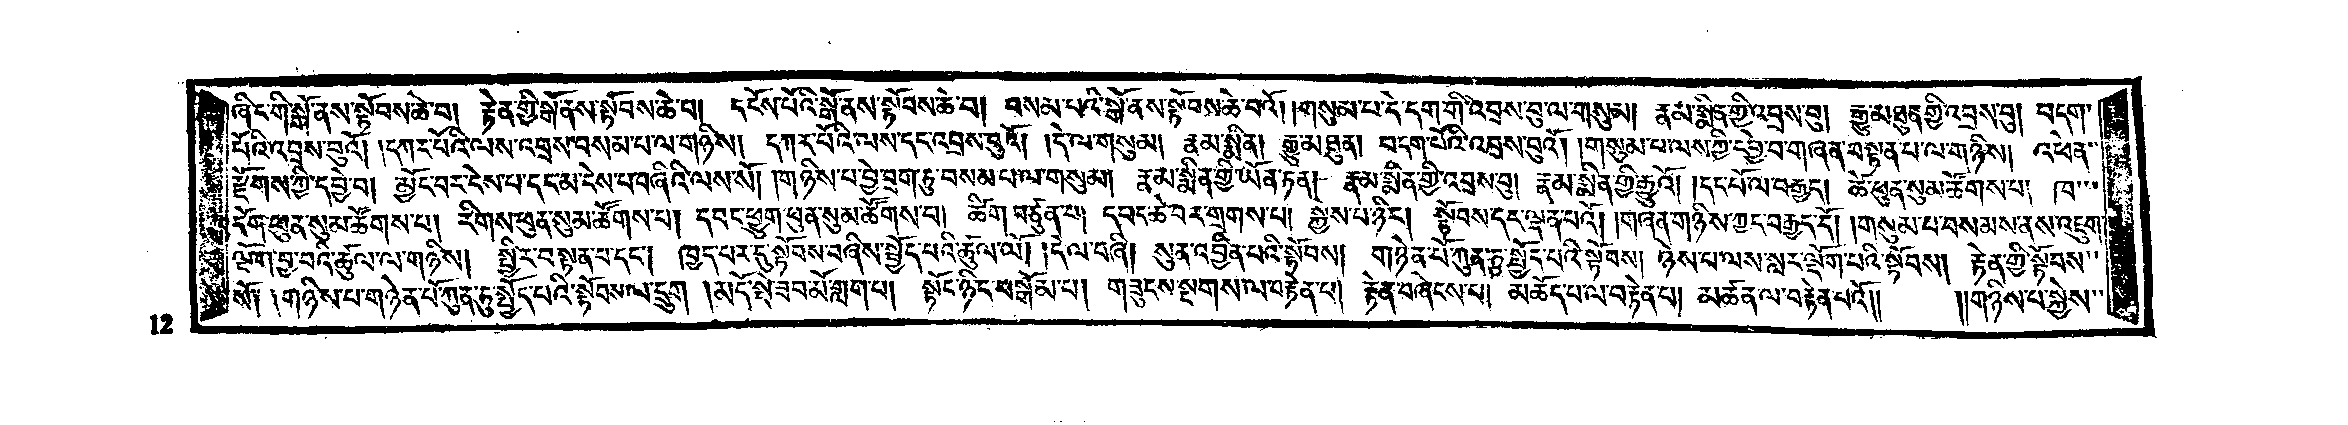ཞིང་གི་སྒོ་ནས་སྟོབས་ཆེ་བ། རྟེན་གྱི་སྒོ་ནས་སྟོབས་ཆེ་བ། དངོས་པོའི་སྒོ་ནས་སྟོབས་ཆེ་བ། བསམ་པའི་སྒོ་ནས་སྟོབས་ཆེ་བའོ། །གསུམ་པ་དེ་དག་གི་འབྲས་བུ་ལ་གསུམ། རྣམ་སྨིན་གྱི་འབྲས་བུ། རྒྱུ་མཐུན་གྱི་འབྲས་བུ། བདག་
པོའི་འབྲས་བུའོ། །དཀར་པོའི་ལས་འབྲས་བསམ་པ་ལ་གཉིས། དཀར་པོའི་ལས་དང་འབྲས་བུའོ། །དེ་ལ་གསུམ། རྣམ་སྨིན། རྒྱུ་མཐུན། བདག་པོའི་འབྲས་བུའོ། །གསུམ་པ་ལས་ཀྱི་དབྱེ་བ་གཞན་བསྟན་པ་ལ་གཉིས། འཕེན་
རྫོགས་ཀྱི་དབྱེ་བ། མྱོང་བར་ངེས་པ་དང་མ་ངེས་པ་བཞིའི་ལས་སོ། །གཉིས་པ་བྱེ་བྲག་ཏུ་བསམ་པ་ལ་གསུམ། རྣམ་སྨིན་གྱི་ཡོན་ཏན། རྣམ་སྨིན་གྱི་འབྲས་བུ། རྣམ་སྨིན་གྱི་རྒྱུའོ། །དང་པོ་ལ་བརྒྱད། ཚེ་ཕུན་སུམ་ཚོགས་པ། ཁ་
དོག་ཕུན་སུམ་ཚོགས་པ། རིགས་ཕུན་སུམ་ཚོགས་པ། དབང་ཕྱུག་ཕུན་སུམ་ཚོགས་པ། ཚིག་བཙུན་པ། དབང་ཆེ་བར་གྲགས་པ། སྐྱེས་པ་ཉིད། སྟོབས་དང་ལྡན་པའོ། །གཞན་གཉིས་ཀྱང་བརྒྱད་དོ། །གསུམ་པ་བསམས་ནས་འཇུག་
ལྡོག་བྱ་བའི་ཚུལ་ལ་གཉིས། སྤྱིར་བསྟན་པ་དང་། ཁྱད་པར་དུ་སྟོབས་བཞིས་སྤྱོད་པའི་ཚུལ་ལོ། །དེ་ལ་བཞི། སུན་འབྱིན་པའི་སྟོབས། གཉེན་པོ་ཀུན་ཏུ་སྤྱོད་པའི་སྟོབས། ཉེས་པ་ལས་སླར་ལྡོག་པའི་སྟོབས། རྟེན་གྱི་སྟོབས་
སོ༑ ༑གཉིས་པ་གཉེན་པོ་ཀུན་ཏུ་སྤྱོད་པའི་སྟོབས་ལ་དྲུག །མདོ་སྡེ་ཟབ་མོ་ཀླག་པ། སྟོང་ཉིད་བསྒོམ་པ། གཟུངས་སྔགས་ལ་བརྟེན་པ། རྟེན་བཞེངས་པ། མཆོད་པ་ལ་བརྟེན་པ། མཚན་ལ་བརྟེན་པའོ།། །།གཉིས་པ་སྐྱེས་